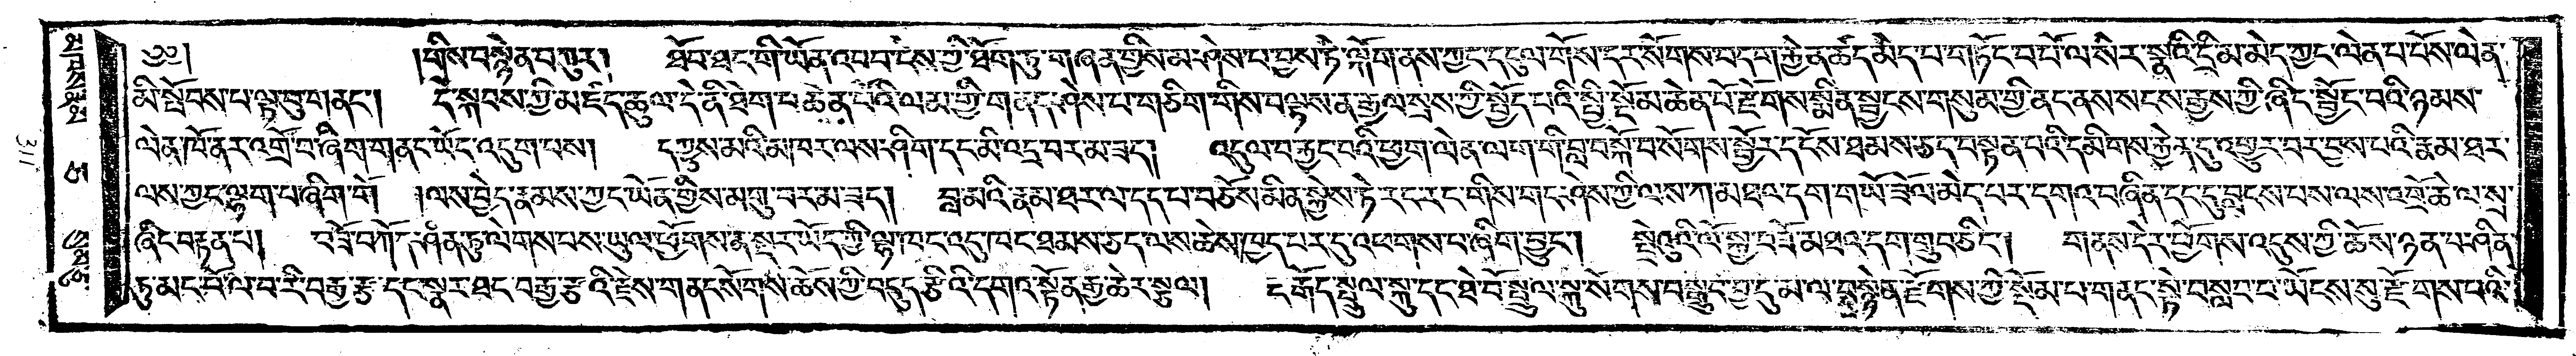༄༅། །གིས་བསྙེན་བཀུར། ཐོབ་ཐང་གི་ཡོན་འབབ་ངེས་ཀྱི་ཐོག་ཏུ་གཞན་གྱིས་མ་ཤེས་པ་བྱས་ཏེ་ལྐོག་ནས་ཀྱང་དངུལ་གོས་ངར་སོགས་བདག་རྐྱེན་ཚད་མེད་བ་གཏོང་བ་པོ་ལ་སེར་སྣའི་དྲི་མ་མེད་ཀྱང་ལེན་པ་པོས་ལེན་
མི་སྤོབས་པ་ལྟ་བུ་གནང་། དེ་སྐབས་ཀྱི་མཛད་ཆུལ་དེ་ནི་ཐེག་པ་ཆེན་པོའི་ལམ་གྱི་གནད་ཤེས་པ་གཅིག་གིས་བལྟས་ན་རྒྱལ་སྲས་ཀྱི་སྤྱོད་པའི་སྤྱི་སྡོམ་ཆེན་པོ་རྫོགས་སྨིན་སྦྱངས་གསུམ་གྱི་ནང་ནས་སངས་རྒྱས་ཀྱི་ཞིང་སྤྱོང་བའི་ཉམས་
ལེན་ཁོ་ནར་འགྲོ་བ་ཞིག་གནང་ཡོད་འདུག་པས། དཀྱུས་མའི་མཁར་ལས་ཤིག་དང་མི་འདྲ་བར་མ་ཟད། འདུལ་བ་རྐྱང་བའི་ཕྱག་ལེན་ལག་གི་བླ་བསྐོ་བ་སོགས་སྦྱོར་དངོས་ཐམས་ཅད་བསྟན་བའི་དམིགས་རྐྱེན་དུ་འགྱུར་བར་བྱས་པའི་རྣམ་ཐར་
ལས་ཀྱང་ལྷག་བ་ཞིག་གོ །ལས་བྱེད་རྣམས་ཀྱང་ཡོན་གྱིས་མགུ་བར་མ་ཟད༑ བླ་མའི་རྣམ་ཐར་ལ་དད་བ་བཅོས་མིན་སྐྱེས་ཏེ་རང་རང་གིས་གང་ཤེས་ཀྱི་ལས་ཀ་མཐའ་དག་གཡོ་ཟོལ་མེད་པར་དགའ་བཞིན་དང་དུ་བླངས་པས་ལས་འགྲོ་ཆེ་ལ་སྲ་
ཞིང་བརྟན་པ། བཟོ་བཀོད་ཤིན་ཏུ་ལེགས་བས་ཡུལ་ཕྱོགས་ན་སྔར་ཡོད་ཀྱི་ལྷ་ཁང་འདུ་ཁང་ཐམས་ཅད་ལས་ཆེས་ཁྱད་བར་དུ་འཕགས་པ་ཞིག་བྱུང་། སྤྲེའུའི་ལོ་སྐྱ་བཟོ་མཐའ་དག་གྲུབ་ཅིང་། གནས་དེར་ཕྱོགས་འདུས་ཀྱི་ཆོས་ཉན་པ་ཤིན་
ཏུ་མང་པོ་ལ་བ་རི་བརྒྱ་རྩ་དང་སྣར་ཐང་བརྒྱ་རྩའི་རྗེས་གནང་སོགས་ཆོས་ཀྱི་བདུད་རྩིའི་དགའ་སྟོན་རྒྱ་ཆེར་སྩལ། རྔ་རྒོད་སྤྲུལ་སྐུ་དང་ཐེ་བོ་སྤྲུལ་སྐུ་སོགས་བསྒྲུབ་བྱ་དུ་མ་ལ་བསྙེན་རྫོགས་ཀྱི་སྡོམ་པ་གནང་སྟེ་བསླབ་བ་ཡོངས་སུ་རྫོགས་བའི་